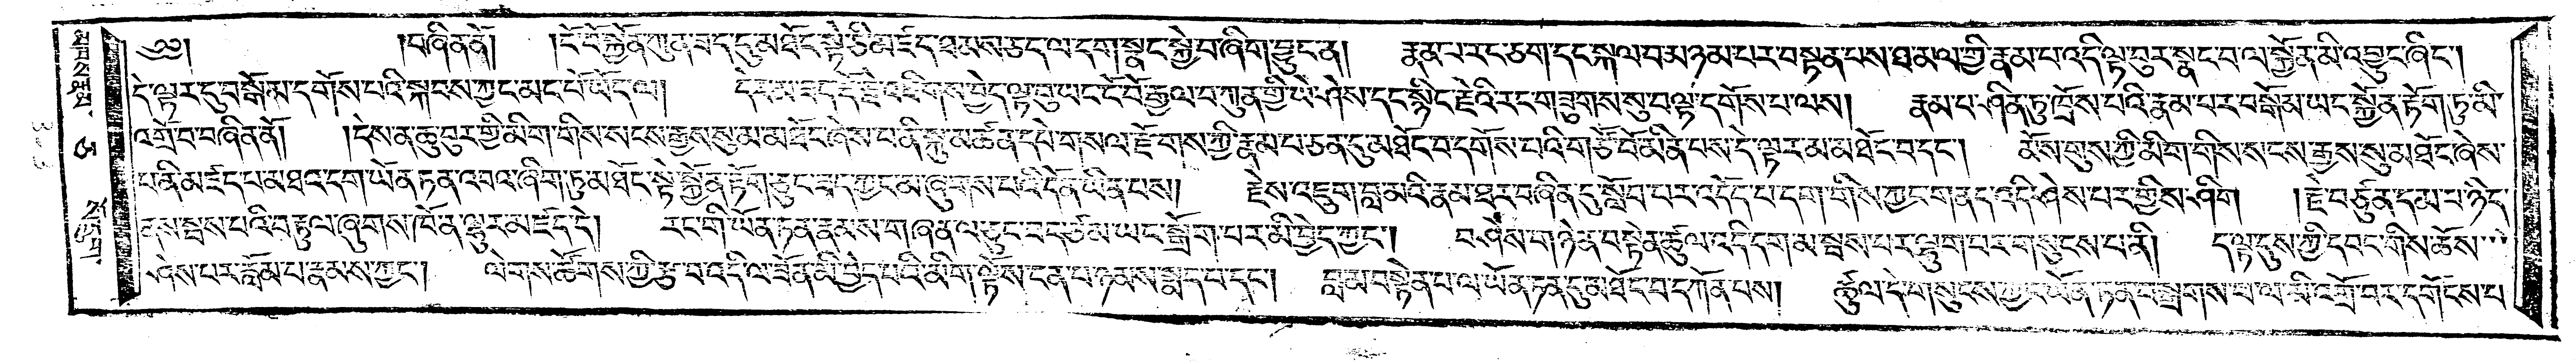༄༅། །བཞིན་ནོ། །ངོ་བོ་སྐྱོན་ཀུན་ཟད་དུ་མཐོང་སྟེ་ཅི་མཛད་ཐམས་ཅད་ལ་དག་སྣང་སྐྱེ་བ་ཞིག་བྱུང་ན། རྣམ་པ་རང་ཅག་དང་སྐལ་བ་མཉམ་པར་བསྟན་པས་ཐ་མལ་གྱི་རྣམ་པ་འདི་ལྟ་བུར་སྣང་བ་ལ་སྐྱོན་མི་འབྱུང་ཞིང་།
དེ་ལྟར་དུ་བསྒོམ་དགོས་པའི་སྐབས་ཀྱང་མང་པོ་ཡོད་ལ། དེར་མ་ཟད་རྡོ་རྗེ་འཇིགས་བྱེད་ལྟ་བུ་ཡང་ངོ་བོ་རྒྱལ་བ་ཀུན་གྱི་ཡེ་ཤེས་དང་སྙིང་རྗེའི་རང་གཟུགས་སུ་བལྟ་དགོས་པ་ལས། རྣམ་པ་ཤིན་ཏུ་ཁྲོས་པའི་རྣམ་པར་བསྒོམ་ཡང་སྐྱོན་རྟོག་ཏུ་མི་
འགྲོ་བ་བཞིན་ནོ། །དེས་ན་ཆུ་བུར་གྱི་མིག་གིས་སངས་རྒྱས་སུ་མ་མཐོང་ཞེས་པ་ནི་སྐུ་མཚན་དཔེ་གསལ་རྫོགས་ཀྱི་རྣམ་པ་ཅན་དུ་མཐོང་བ་དགོས་པའི་གཙོ་བོ་མིན་པས་དེ་ལྟར་མ་མཐོང་བ་དང་། མོས་གུས་ཀྱི་མིག་གིས་སངས་རྒྱས་སུ་མཐོང་ཞེས་
བ་ནི་མཛད་པ་མཐའ་དག་ཡོན་ཏན་འབའ་ཞིག་ཏུ་མཐོང་སྟེ་སྐྱོན་རྟོག་ཅུང་ཟད་ཀྱང་མ་ཞུགས་པའི་དོན་ཡིན་པས། རྗེས་འཇུག་བླ་མའི་རྣམ་ཐར་བཞིན་དུ་སློབ་བར་འདོད་པ་དག་གིས་ཀྱང་གནད་འདི་ཤེས་པར་གྱིས་ཤིག །རྗེ་བཙུན་དམ་པ་ཉིད་
ནས་སྦས་པའི་བརྟུལ་ཞུགས་ཁོ་ན་ལྷུར་མཛད་དེ། རང་གི་ཡོན་ཏན་རྣམས་གཞན་ལ་ཅུང་ཟད་ཙམ་ཡང་སྒྲོག་པར་མི་བྱེད་ཀྱང་། བཤེས་གཉེན་བསྟེན་ཚུལ་འདི་དག་མ་སྦས་པར་ལྷུག་པར་གསུངས་པ་ནི། ད་ལྟ་དུས་ཀྱི་དབང་གིས་ཆོས་
ཤེས་པར་རློམ་པ་རྣམས་ཀྱང་། ལེགས་ཚོགས་ཀྱི་རྩ་བ་འདི་ལ་ཟོན་མི་བྱེད་པའི་མིག་ལྟོས་ངན་པ་ཉམས་སྨད་པ་དང་། བླ་མ་བསྟེན་པ་ལ་ཡོན་ཏན་དུ་མཐོང་བ་དཀོན་པས། ཚུལ་དེ་གསུངས་ཀྱང་ཡོན་ཏན་བསྒྲགས་པ་ལ་མི་འགྲོ་བར་དགོངས་པ་